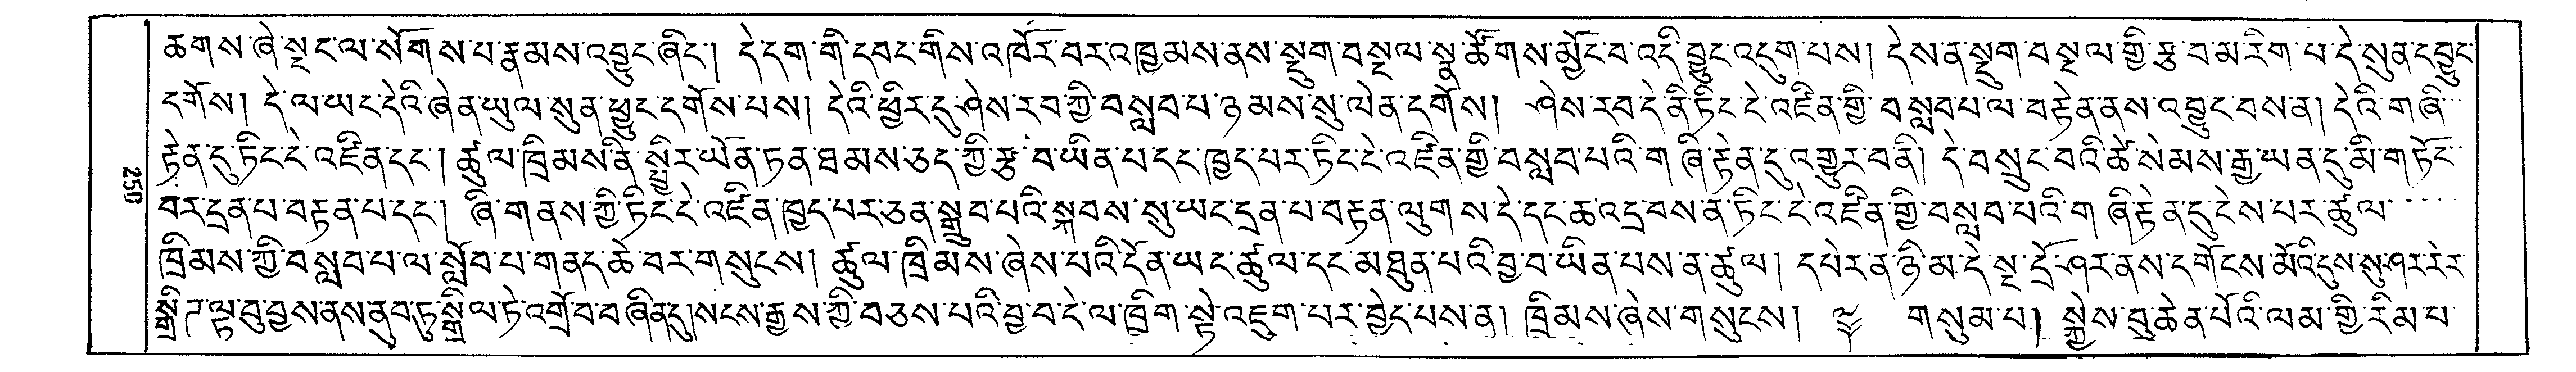ཆགས་ཞེ་སྡང་ལ་སོགས་པ་རྣམས་འབྱུང་ཞིང་། དེ་དག་གི་དབང་གིས་འཁོར་བར་འཁྱམས་ནས་སྡུག་བསྔལ་སྣ་ཚོགས་མྱོང་བ་འདི་བྱུང་འདུག་པས། དེས་ན་སྡུག་བསྔལ་གྱི་རྩ་བ་མ་རིག་པ་དེ་སུན་དབྱུང་
དགོས། དེ་ལ་ཡང་དེའི་ཞེན་ཡུལ་སུན་ཕྱུང་དགོས་པས། དེའི་ཕྱིར་དུ་ཤེས་རབ་ཀྱི་བསླབ་པ་ཉམས་སུ་ལེན་དགོས། ཤེས་རབ་དེ་ནི་ཏིང་ངེ་འཛིན་གྱི་བསླབ་པ་ལ་བརྟེན་ནས་འབྱུང་བས་ན། དེའི་གཞི་
རྟེན་དུ་ཏིང་ངེ་འཛིན་དང་། ཚུལ་ཁྲིམས་ནི་སྤྱིར་ཡོན་ཏན་ཐམས་ཅད་ཀྱི་རྩ་བ་ཡིན་པ་དང་ཁྱད་པར་ཏིང་ངེ་འཛིན་གྱི་བསླབ་པའི་གཞི་རྟེན་དུ་འགྱུར་བ་ནི། དེ་བསྲུང་བའི་ཚེ་སེམས་རྒྱ་ཡན་དུ་མི་གཏོང་
བར་དྲན་པ་བརྟན་པ་དང་། ཞི་གནས་ཀྱི་ཏིང་ངེ་འཛིན་ཁྱད་པར་ཅན་སྒྲུབ་པའི་སྐབས་སུ་ཡང་དྲན་པ་བརྟན་ལུགས་དེ་དང་ཆ་འདྲ་བས་ན་ཏིང་ངེ་འཛིན་གྱི་བསླབ་པའི་གཞི་རྟེན་དུ་ངེས་པར་ཚུལ་
ཁྲིམས་ཀྱི་བསླབ་པ་ལ་སློབ་པ་གནད་ཆེ་བར་གསུངས། ཚུལ་ཁྲིམས་ཞེས་པའི་དོན་ཡང་ཚུལ་དང་མཐུན་པའི་བྱ་བ་ཡིན་པས་ན་ཚུལ། དཔེར་ན་ཉི་མ་དེ་སྔ་དྲོ་ཤར་ནས་དགོངས་མོའི་དུས་སུ་ཤར་དེར་
སྒྲིཌ་ལྟ་བུ་བྱས་ནས་ནུབ་ཏུ་སྒྲིལ་ཏེ་འགྲོ་བ་བཞིན་དུ། སངས་རྒྱས་ཀྱི་བཅས་པའི་བྱ་བ་དེ་ལ་ཁྲིག་སྟེ་འཇུག་པར་བྱེད་པས་ན། ཁྲིམས་ཞེས་གསུངས། ༈ གསུམ་པ། སྐྱེས་བུ་ཆེན་པོའི་ལམ་གྱི་རིམ་པ་